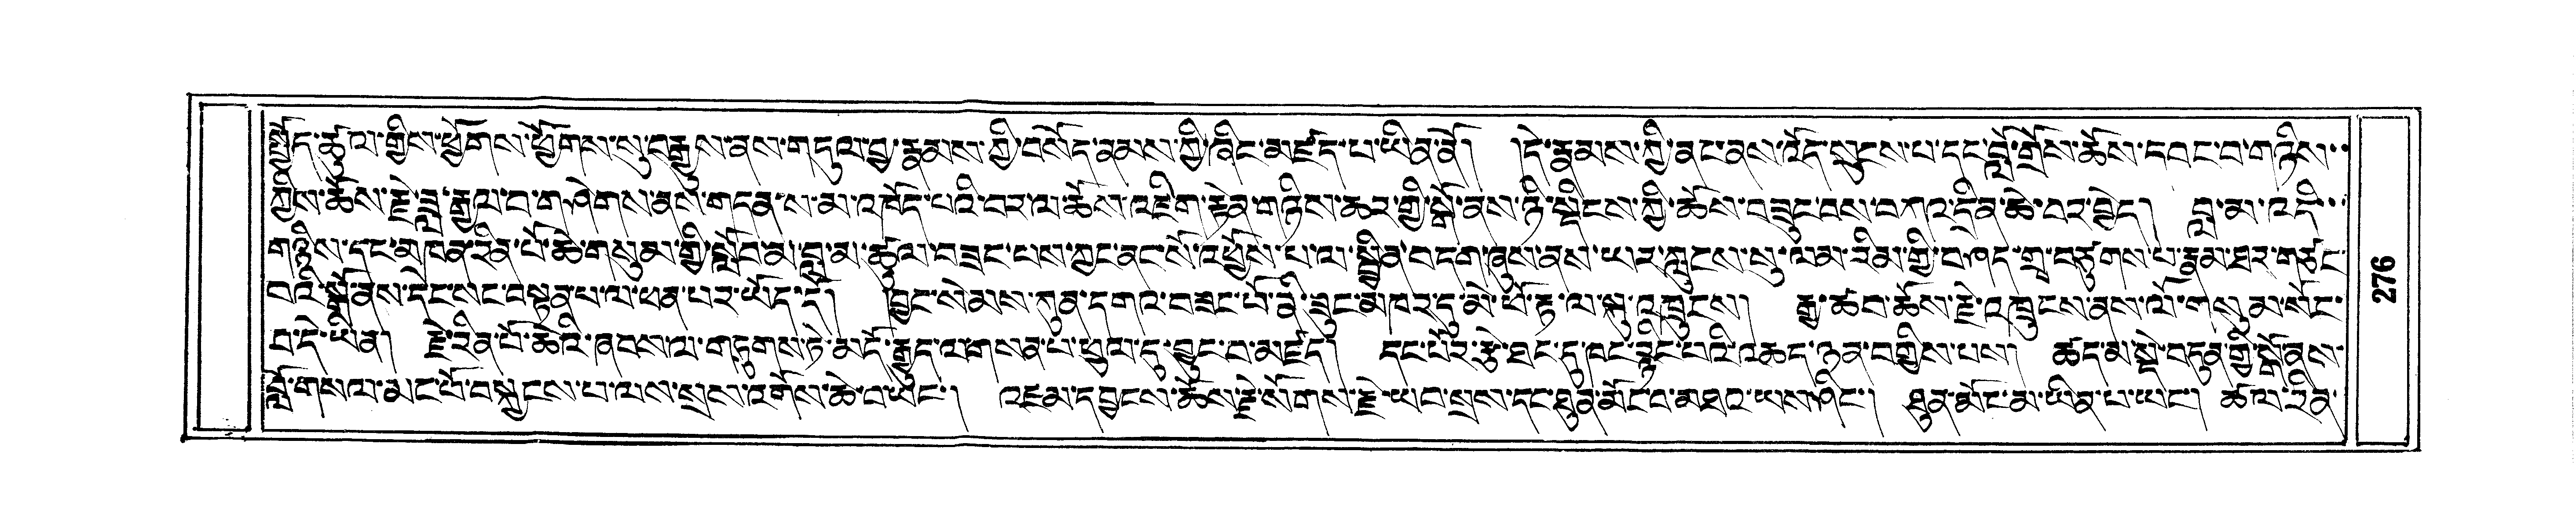སྤྱོད་ཚུལ་གྱིས་ཕྱོགས་ཕྱོགས་སུ་བརྒྱུས་ནས་གདུལ་བྱ་རྣམས་ཀྱི་བསོད་རྣམས་ཀྱི་ཞིང་མཛད་པ་ཡིན་ནོ། །དེ་རྣམས་ཀྱི་ནང་ནས་འོད་སྲུངས་བ་དང་བློ་གྲོས་ཆོས་དབང་བ་གཉིས་
ཀྱི་ཆོས་རྗེ་ཟླ་རྒྱལ་བ་གཤེགས་ནས་གདན་ས་མ་འཁོད་པའི་བར་ལ་ཆོས་འཇིག་རྟེན་གཉིས་ཆར་གྱི་སྒོ་ནས་ཉི་སྡངས་ཀྱི་བཟུང་བས་བཀའ་དྲིན་ཆེ་བར་བྱེད། བླ་མ་འདི་
གཉིས་དང་མཁན་རིན་པོ་ཆེ་གསུམ་གྱི་སློབ་མ་བླ་མ་ཚུལ་བཟང་པས་ཀྱང་ནང་སོ་འཕྱོས་པ་ལ་སྤྱིན་བདག་ཞུས་ནས་ཡར་ཀླུངས་སུ་ལམ་རིམ་གྱི་བཤད་གྲྭ་བརྩུགས་པ་རྣམས་ཐར་གཙང་
བའི་སྒོ་ནས་དེང་སང་བསྟན་ལ་ཕན་པར་ཡོད་དོ། །བྱང་སེམས་ཀུན་དགའ་བཟང་པོ་ནི་ཟུང་མཁར་དུ་མེ་ཕོ་རྟ་ལ་སྐུ་འཁྲུངས། རྒྱ་ཚབ་ཆོས་རྗེ་འཁྲུངས་ནས་ལོ་གསུམ་སོང་
བ་དེ་ཡིན། རྗེ་རིན་པོ་ཆེའི་ཞབས་ལ་གཏུགས་ཏེ་མདོ་རྒྱུད་ལགས་ན་པ་ཕུལ་དུ་བྱུང་བ་མཛད། དང་པོར་རྩེ་ཐང་དུ་ཁང་རྙིང་པའི་འཆད་ཉན་བགྱིས་པས། ཚད་མ་སྡེ་བདུན་གྱི་སྒོ་ནས་
བློ་གསལ་མང་པོ་བསྐྱངས་པ་ལས་སྲས་འགོས་ཆེ་བ་ཡང་། འཇམ་དབྱངས་ཆོས་རྗེ་སོགས་རྗེ་ཡབ་སྲས་དང་ཐུན་མོངས་བ་མཐའ་ཡས་ཤིང་། ཐུན་མོང་མ་ཡིན་པ་ཡང་། ཚལ་རིན་